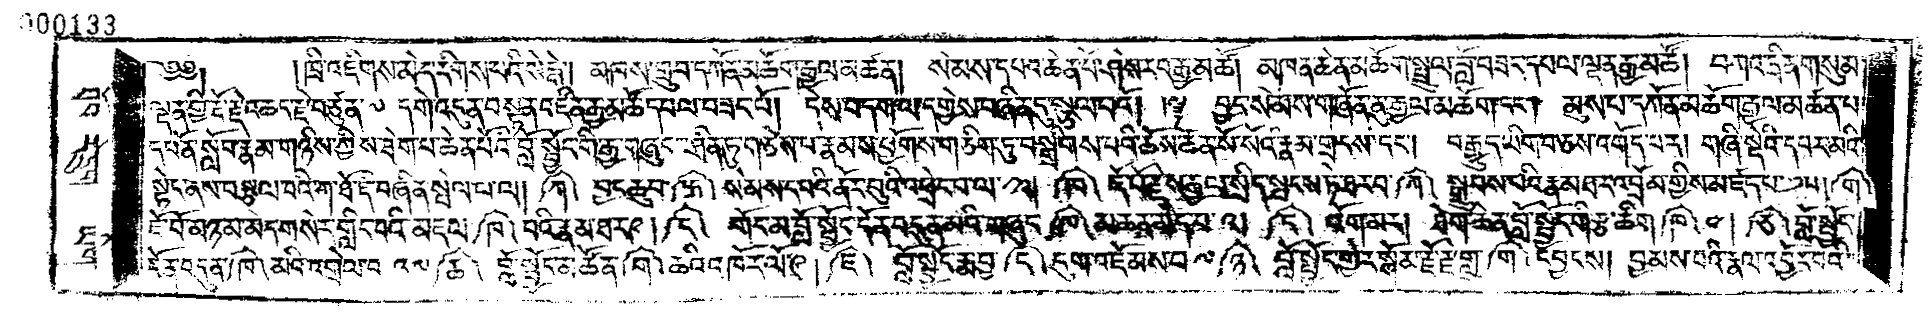༄༅། །ཁྲི་འཇིགས་མེད་རིགས་པའི་སེངྒེ། མཁས་གྲུབ་དཀོན་མཆོག་རྒྱལ་མཚན། སེམས་དཔའ་ཆེན་པོ་ཤེས་རབ་རྒྱ་མཚོ། མཁན་ཆེན་མཆོག་སྤྲུལ་བློ་བཟང་དཔལ་ལྡན་རྒྱ་མཚོ། བཀའ་དྲིན་གསུམ་
ལྡན་གྱི་རྡོ་རྗེ་འཆང་རྗེ་བཙུན ༧་དགེ་འདུན་བསྟན་འཛིན་རྒྱ་མཚོ་དཔལ་བཟང་པོ། དེས་བདག་ལ་དགྱེས་བཞིན་དུ་སྩལ་བའོ། །༈ བྱང་སེམས་གཞོན་ནུ་རྒྱལ་མཆོག་དང་། མུས་པ་དཀོན་མཆོག་རྒྱལ་མཚན་པ་
དཔོན་སློབ་རྣམ་གཉིས་ཀྱིས་ཐེག་པ་ཆེན་པོའི་བློ་སྦྱོང་གི་རྒྱ་གཞུང་ཤིན་ཏུ་གཅེས་པ་རྣམས་ཕྱོགས་གཅིག་ཏུ་བསྒྲིགས་པའི་ཆོས་ཆེན་སོ་སོའི་རྣམ་གྲངས་དང་། བརྒྱུད་ཡིག་བཅས་འགོད་པར། གཞི་སྡེའི་དཔར་མའི་
སྟེང་ནས་བསྩལ་བའི་ཀ་ཐོ་ཇི་བཞིན་སྤེལ་པ་ལ། ༼ཀ༽ བྱང་ཆུབ་སེམས་དཔའི་ནོར་བུའི་འཕྲེང་བ་ལ ༣། ༼ཁ༽ ཇོ་བོ་རྗེས་རྒྱལ་སྲིད་སྤངས་ཏེ་ཐར་བ ༼ཀ༽ སྒྲུབས་པའི་རྣམ་ཐར་འབྲོམ་གྱིས་མཛད་པ ༡༥། ༼ག༽
ཇོ་བོ་མཉམ་མེད་གསེར་གླིང་བའི་མཇལ ༼ཁ༽ བའི་རྣམ་ཐར ༩། ༼ང༽ གོང་མ་བློ་སྦྱོང་དོན་བདུན་མའི་གཞུང ༼ཁ༽ མཆན་མེད་པ ༢། ༼ང༽ འོག་མར། ཐེག་ཆེན་བློ་སྦྱོང་གི་རྩ་ཚིག ༼ཁ༽ ༤། ༼ཅ༽ བློ་སྦྱོང་
དོན་འདུན ༼ཁ༽ མའི་འགྲེལ་བ ༢༧ ༼ཆ༽ བློ་སྦྱོང་མཚོན ༼ག༽ ཆའི་འཁོར་ལོ ༩། ༼ཇ༽ བློ་སྦྱོང་རྨ་བྱ ༼ང༽ དུག་འཇོམས་པ ༧ ༼ཉ༽ བློ་སྦྱོང་གྱེར་སྒོམ་རྗེ་རྫེ་གླུ ༼ག༽ དབྱངས། བྱམས་པའི་རྣལ་འབྱོར་བའི་